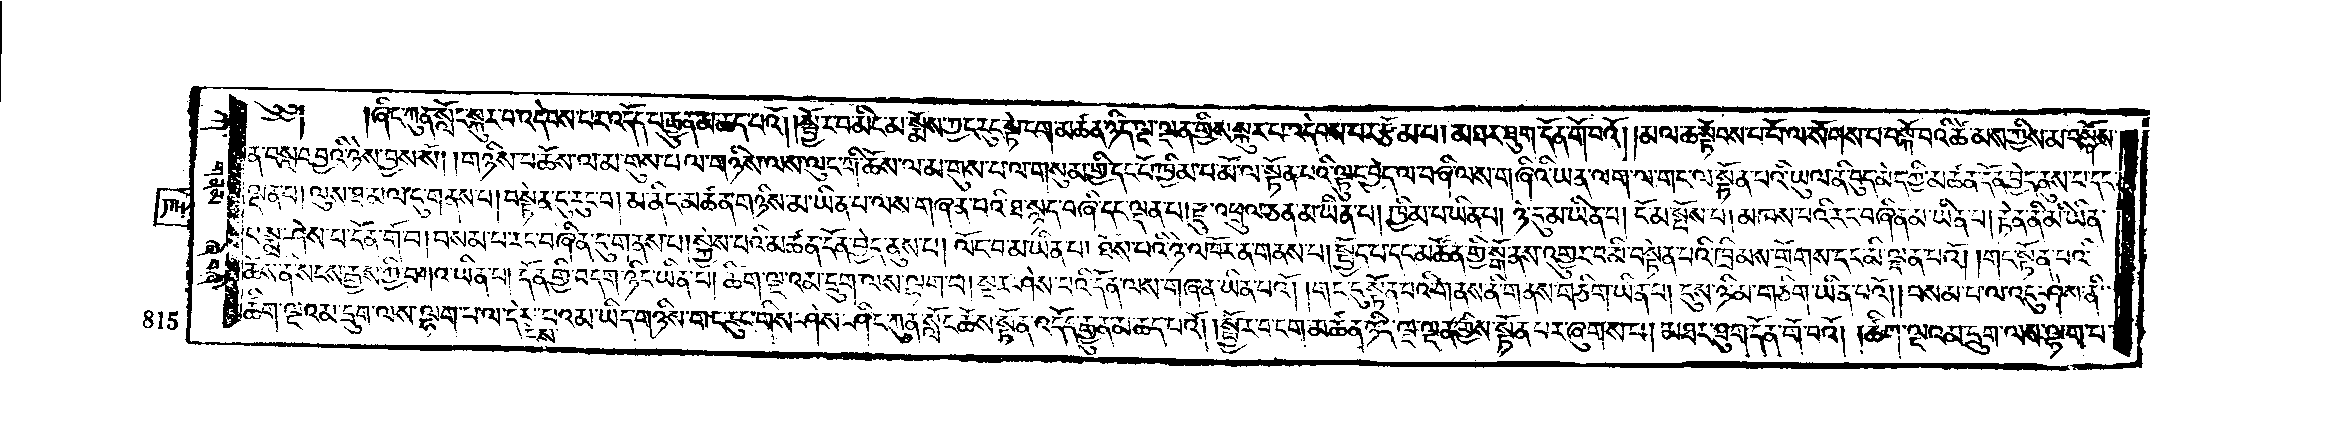༄༅། །ཞིང་ཀུན་སློང་སྐུར་བ་འདེབས་པར་འདོད་པ་རྒྱུན་མ་ཆད་པའོ། །སྦྱོར་བ་མིང་མ་སྨོས་ཀྱང་རུང་སྟེ་ངག་མཚན་ཉིད་ལྔ་ལྡན་གྱིས་སྐུར་པ་འདེབས་པར་རྩོམ་པ། མཐར་ཐུག་དོན་གོ་བའོ། །མལ་ཆ་སྟོབས་པ་པོ་ལ་སོགས་པ་བསྐོ་བའི་ཚེ་མས་ཀྱིས་མ་བསྐོས་
ན་བསླབ་བྱའི་ཉེས་བྱས་སོ། །གཉིས་པ་ཆོས་ལ་མ་གུས་པ་ལ་གཉིས་ལས་ལུང་གི་ཆོས་ལ་མ་གུས་པ་ལ་གསུམ་གྱི་དང་པོ་ཁྱིམ་པ་མོ་ལ་སྟོན་པའི་ལྟུང་བྱེད་ལ་བཞི་ལས་གཞིའི་ཡན་ལག་ལ་གང་ལ་སྟོན་པའི་ཡུལ་ནི་བུད་མེད་ཀྱི་མཚན་དོན་བྱེད་ནུས་པ་དང་
ལྡན་པ། ལུས་ཐ་མལ་དུ་གནས་པ། བསྟེན་དུ་རུང་བ། མ་ནིང་མཚན་གཉིས་མ་ཡིན་པ་ལས་གཞན་པའི་ཐ་སྙད་བཞི་དང་ལྡན་པ། རྫུ་འཕྲུལ་ཅན་མ་ཡིན་པ། ཁྱིམ་པ་ཡིན་པ། ཉེ་དུ་མ་ཡིན་པ། ངོ་མ་སྤོས་པ། མཁས་པའི་རང་བཞིན་མ་ཡིན་པ། རྟེན་ནི་མི་ཡིན་
པ་སྨྲ་ཤེས་པ་དོན་གོ་བ། བསམ་པ་རང་བཞིན་དུ་གནས་པ། སྐྱེས་པའི་མཚན་དོན་བྱེད་ནུས་པ། ལོང་བ་མ་ཡིན་པ། ཐོས་པའི་ཉེ་འཁོར་ན་གནས་པ། སྤྱོད་པ་དང་མཚོན་གྱི་སྒོ་ནས་འགྱུར་བ་མི་བསྟེན་པའི་ཁྲིམས་གྲོགས་དང་མི་ལྡན་པའོ། །གང་སྟོན་པའི་
ཆོས་ནི་སངས་རྒྱས་ཀྱི་བཀའ་ཡིན་པ། དོན་གྱི་བདག་ཉིད་ཡིན་པ། ཚིག་ལྔ་འམ་དྲུག་ལས་ལྷག་པ། སྔར་ཤེས་པའི་དོན་ལས་གཞན་ཡིན་པའོ། །གང་དུ་སྟོན་པའི་གནས་ནི་གནས་གཅིག་ཡིན་པ། དུས་ཉི་མ་གཅིག་ཡིན་པའོ། །བསམ་པ་ལ་འདུ་ཤེས་ནི་
ཚིག་ལྔའམ་དྲུག་ལས་ལྷག་པ་ལ་དེར་ངེས་པའམ་ཡིད་གཉིས་གང་རུང་གིས་ཤེས་ཤིང་ཀུན་སློང་ཆོས་སྟོན་འདོད་རྒྱུན་མ་ཆད་པའོ། །སྦྱོར་བ་ངག་མཚན་ཉིད་ལྔ་ལྡན་གྱིས་སྟོན་པར་ཞུགས་པ། མཐར་ཐུག་དོན་གོ་བའོ། །ཚིག་ལྔའམ་དྲུག་ལས་ལྷག་པ་